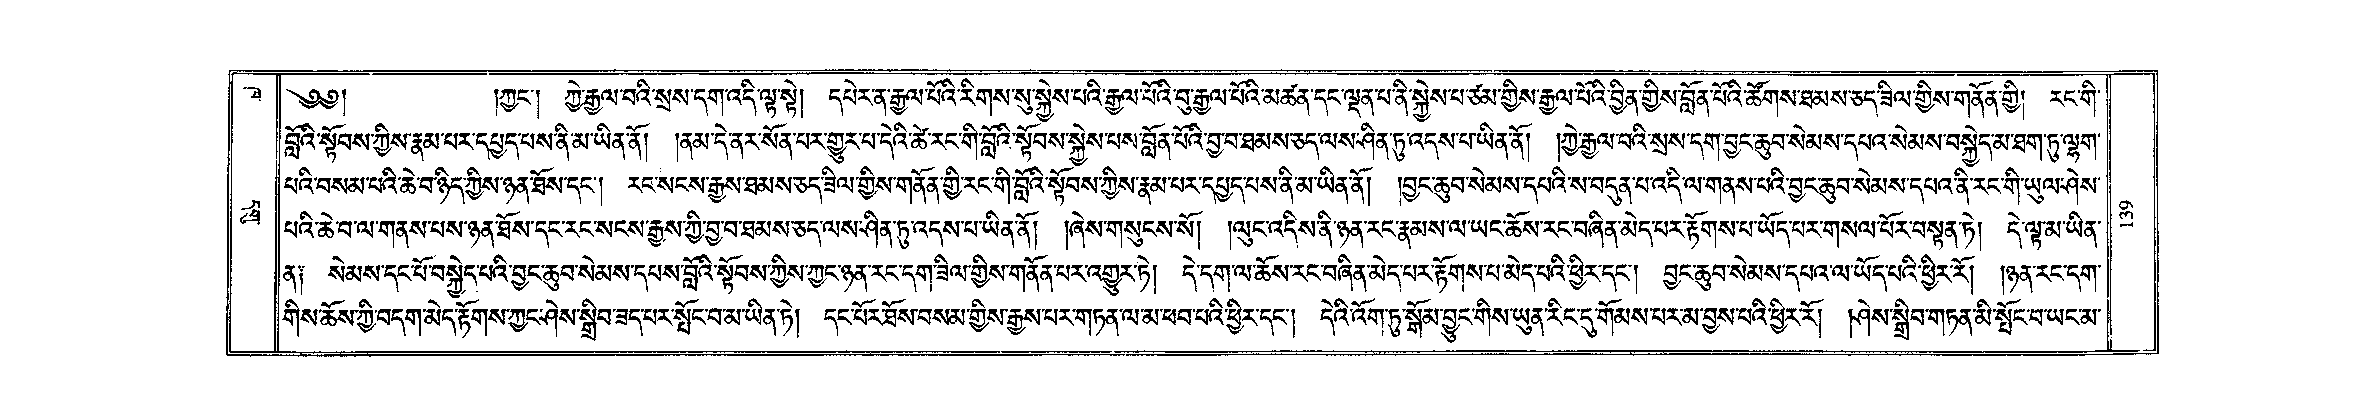༄༅། །ཀྱང་། ཀྱེ་རྒྱལ་བའི་སྲས་དག་འདི་ལྟ་སྟེ། དཔེར་ན་རྒྱལ་པོའི་རིགས་སུ་སྐྱེས་པའི་རྒྱལ་པོའི་བུ་རྒྱལ་པོའི་མཚན་དང་ལྡན་པ་ནི་སྐྱེས་པ་ཙམ་གྱིས་རྒྱལ་པོའི་བྱིན་གྱིས་བློན་པོའི་ཚོགས་ཐམས་ཅད་ཟིལ་གྱིས་གནོན་གྱི། རང་གི་
བློའི་སྟོབས་ཀྱིས་རྣམ་པར་དཔྱད་པས་ནི་མ་ཡིན་ནོ། །ནམ་དེ་ནར་སོན་པར་གྱུར་པ་དེའི་ཚེ་རང་གི་བློའི་སྟོབས་སྐྱེས་པས་བློན་པོའི་བྱ་བ་ཐམས་ཅད་ལས་ཤིན་ཏུ་འདས་པ་ཡིན་ནོ། །ཀྱེ་རྒྱལ་བའི་སྲས་དག་བྱང་ཆུབ་སེམས་དཔའ་སེམས་བསྐྱེད་མ་ཐག་ཏུ་ལྷག་
པའི་བསམ་པའི་ཆེ་བ་ཉིད་ཀྱིས་ཉན་ཐོས་དང་། རང་སངས་རྒྱས་ཐམས་ཅད་ཟིལ་གྱིས་གནོན་གྱི་རང་གི་བློའི་སྟོབས་ཀྱིས་རྣམ་པར་དཔྱད་པས་ནི་མ་ཡིན་ནོ། །བྱང་ཆུབ་སེམས་དཔའི་ས་བདུན་པ་འདི་ལ་གནས་པའི་བྱང་ཆུབ་སེམས་དཔའ་ནི་རང་གི་ཡུལ་ཤེས་
པའི་ཆེ་བ་ལ་གནས་པས་ཉན་ཐོས་དང་རང་སངས་རྒྱས་ཀྱི་བྱ་བ་ཐམས་ཅད་ལས་ཤིན་ཏུ་འདས་པ་ཡིན་ནོ། །ཞེས་གསུངས་སོ། །ལུང་འདིས་ནི་ཉན་རང་རྣམས་ལ་ཡང་ཆོས་རང་བཞིན་མེད་པར་རྟོགས་པ་ཡོད་པར་གསལ་པོར་བསྟན་ཏེ། དེ་ལྟ་མ་ཡིན་
ན༑ སེམས་དང་པོ་བསྐྱེད་པའི་བྱང་ཆུབ་སེམས་དཔས་བློའི་སྟོབས་ཀྱིས་ཀྱང་ཉན་རང་དག་ཟིལ་གྱིས་གནོན་པར་འགྱུར་ཏེ། དེ་དག་ལ་ཆོས་རང་བཞིན་མེད་པར་རྟོགས་པ་མེད་པའི་ཕྱིར་དང་། བྱང་ཆུབ་སེམས་དཔའ་ལ་ཡོད་པའི་ཕྱིར་རོ། །ཉན་རང་དག་
གིས་ཆོས་ཀྱི་བདག་མེད་རྟོགས་ཀྱང་ཤེས་སྒྲིབ་ཟད་པར་སྤོང་བ་མ་ཡིན་ཏེ། དང་པོར་ཐོས་བསམ་གྱིས་རྒྱས་པར་གཏན་ལ་མ་ཕབ་པའི་ཕྱིར་དང་། དེའི་འོག་ཏུ་སྒོམ་བྱུང་གིས་ཡུན་རིང་དུ་གོམས་པར་མ་བྱས་པའི་ཕྱིར་རོ། །ཤེས་སྒྲིབ་གཏན་མི་སྤོང་བ་ཡང་མ་